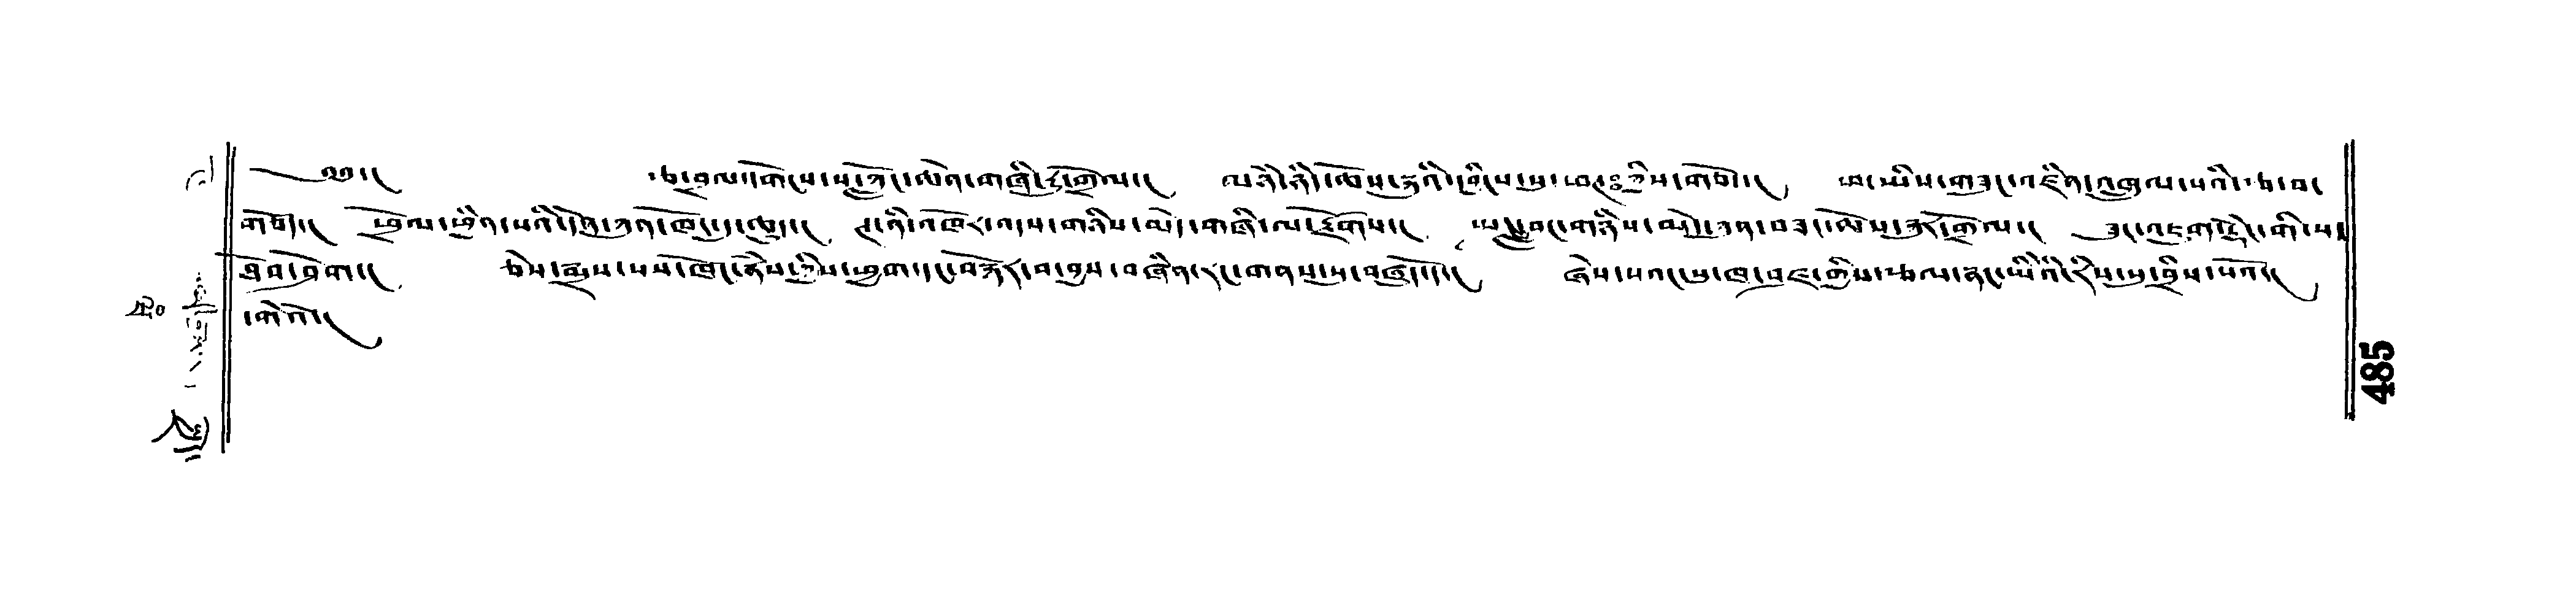།རྩ་བྲལ་དགོངས་པ་ཀློང་ཆེན་གཞི་རུ་གྲོལ། །མཉམ་ཉིད་ཆོས་སྐུའི་དབྱིངས་སུ་ཕཊཿཀྱིས་གཅོད། །ཕ་ཡིས་གཟུང་འཛིན་འཁྲུལ་པའི་རྩ་བ་
གཅོད། །ཕ་རོལ་ཕྱིན་པའི་དོན་ཀུན་ཁོང་དུ་ཆུད། །ཊ་ནི་འཁོར་འདས་གཉིས་མེད་གཞི་ལས་རྫོགས། །སྤང་བླང་གཉིས་མེད་ཀུན་བཟང་ཆོས་སྐུར་གྲོལ། །ཟུང་འཇུག་རྡོ་རྗེ་འཆང་གི་ས་
ཐོབ་ཤོག ཅེས་སྨྲས་པས་ཁོང་རྣམས་ཀྱིས་ཕྱག་དང་བསྐོར་བ་བྱས་ཞིང་རང་གནས་སུ་བཞུད་དོ། ཞེས་པའང་སུ་ཁ་བཛྲ་གྱིས་རྩལ་སྣང་ཡི་གེའི་རིས་སུ་བྲིས་པའོ།།
དགེའོ།